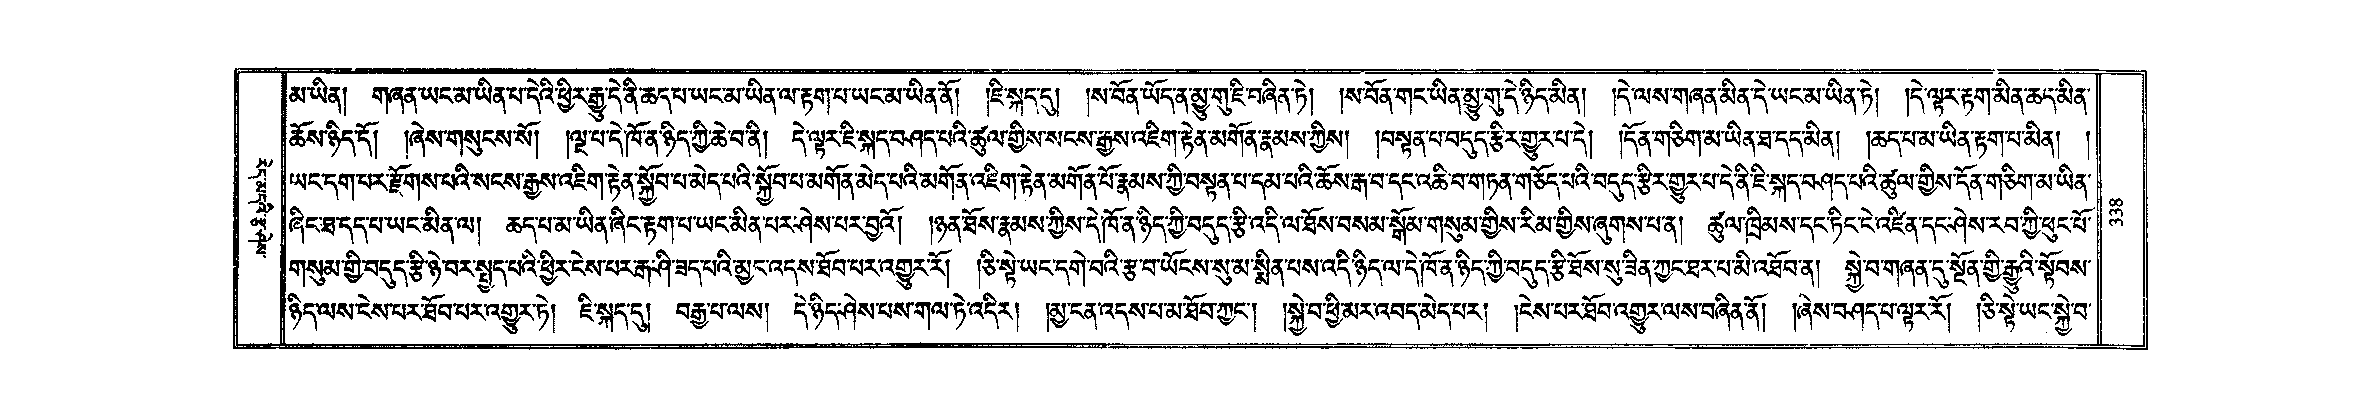མ་ཡིན། གཞན་ཡང་མ་ཡིན་པ་དེའི་ཕྱིར་རྒྱུ་དེ་ནི་ཆད་པ་ཡང་མ་ཡིན་ལ་རྟག་པ་ཡང་མ་ཡིན་ནོ། །ཇི་སྐད་དུ། །ས་བོན་ཡོད་ན་མྱུ་གུ་ཇི་བཞིན་ཏེ། །ས་བོན་གང་ཡིན་མྱུ་གུ་དེ་ཉིད་མིན། །དེ་ལས་གཞན་མིན་དེ་ཡང་མ་ཡིན་ཏེ། །དེ་ལྟར་རྟག་མིན་ཆད་མིན་
ཆོས་ཉིད་དོ། །ཞེས་གསུངས་སོ། །ལྔ་པ་དེ་ཁོ་ན་ཉིད་ཀྱི་ཆེ་བ་ནི། དེ་ལྟར་ཇི་སྐད་བཤད་པའི་ཚུལ་གྱིས་སངས་རྒྱས་འཇིག་རྟེན་མགོན་རྣམས་ཀྱིས། །བསྟན་པ་བདུད་རྩིར་གྱུར་པ་དེ། །དོན་གཅིག་མ་ཡིན་ཐ་དད་མིན། །ཆད་པ་མ་ཡིན་རྟག་པ་མིན། །
ཡང་དག་པར་རྫོགས་པའི་སངས་རྒྱས་འཇིག་རྟེན་སྐྱོབ་པ་མེད་པའི་སྐྱོབ་པ་མགོན་མེད་པའི་མགོན་འཇིག་རྟེན་མགོན་པོ་རྣམས་ཀྱི་བསྟན་པ་དམ་པའི་ཆོས་རྒ་བ་དང་འཆི་བ་གཏན་གཅོད་པའི་བདུད་རྩིར་གྱུར་པ་དེ་ནི་ཇི་སྐད་བཤད་པའི་ཚུལ་གྱིས་དོན་གཅིག་མ་ཡིན་
ཞིང་ཐ་དད་པ་ཡང་མིན་ལ། ཆད་པ་མ་ཡིན་ཞིང་རྟག་པ་ཡང་མིན་པར་ཤེས་པར་བྱའོ། །ཉན་ཐོས་རྣམས་ཀྱིས་དེ་ཁོ་ན་ཉིད་ཀྱི་བདུད་རྩི་འདི་ལ་ཐོས་བསམ་སྒོམ་གསུམ་གྱིས་རིམ་གྱིས་ཞུགས་པ་ན། ཚུལ་ཁྲིམས་དང་ཏིང་ངེ་འཛིན་དང་ཤེས་རབ་ཀྱི་ཕུང་པོ་
གསུམ་གྱི་བདུད་རྩི་ཉེ་བར་སྤྱད་པའི་ཕྱིར་ངེས་པར་རྒ་ཤི་ཟད་པའི་མྱང་འདས་ཐོབ་པར་འགྱུར་རོ། །ཅི་སྟེ་ཡང་དགེ་བའི་རྩ་བ་ཡོངས་སུ་མ་སྨིན་པས་འདི་ཉིད་ལ་དེ་ཁོ་ན་ཉིད་ཀྱི་བདུད་རྩི་ཐོས་སུ་ཟིན་ཀྱང་ཐར་པ་མི་འཐོབ་ན། སྐྱེ་བ་གཞན་དུ་སྔོན་གྱི་རྒྱུའི་སྟོབས་
ཉིད་ལས་ངེས་པར་ཐོབ་པར་འགྱུར་ཏེ། ཇི་སྐད་དུ། བརྒྱ་པ་ལས། དེ་ཉིད་ཤེས་པས་གལ་ཏེ་འདིར། །མྱ་ངན་འདས་པ་མ་ཐོབ་ཀྱང་། །སྐྱེ་བ་ཕྱི་མར་འབད་མེད་པར། །ངེས་པར་ཐོབ་འགྱུར་ལས་བཞིན་ནོ། །ཞེས་བཤད་པ་ལྟར་རོ། །ཅི་སྟེ་ཡང་སྐྱེ་བ་